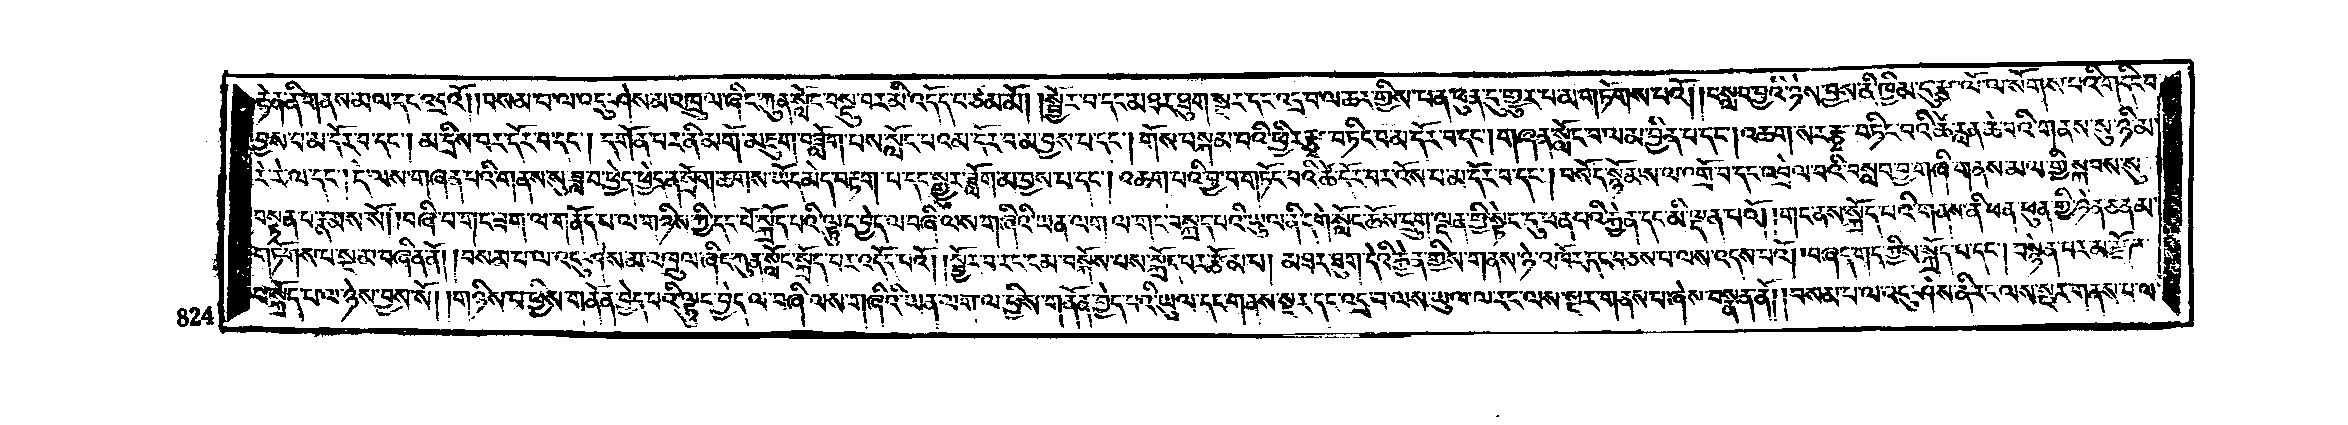རྟེན་ནི་གནས་མལ་དང་འདྲའོ། །བསམ་པ་ལ་འདུ་ཤེས་མ་འཁྲུལ་ཞིང་ཀུན་སློང་བསྡུ་བར་མི་འདོད་པ་ཙམ་མོ། །སྦྱོར་བ་དང་མཐར་ཐུག་སྔར་དང་འདྲ་བ་ལ་ཆར་གྱིས་ཕན་ཕུན་དུ་གྱུར་པ་མ་གཏོགས་པའོ། །བསླབ་བྱའི་ཉེས་བྱས་ནི་ཁྱིམ་དུ་རྩ་ལོ་ལ་སོགས་པའི་གདིང་བ་
བྱས་པ་མ་དོར་བ་དང་། མ་དྲིས་བར་དོར་བ་དང་། དགོན་པར་ནི་མགོ་མཇུག་བཟློག་པས་སློང་པའམ་དོར་བ་མ་བྱས་པ་དང་། གོས་བསྐམ་པའི་ཕྱིར་རྩྭ་བཏིང་བ་མ་དོར་བ་དང་། གཞན་སློང་བ་ལ་མ་བྱིན་པ་དང་། འཆག་སར་རྩྭ་བཏིང་བའི་ཚེ་རླན་ཆེ་བའི་གནས་སུ་ཉི་མ་
རེ་རེ་ལ་དང་། དེ་ལས་གཞན་པའི་གནས་སུ་ཟླ་བ་ཕྱེད་ཕྱེད་ན་སྲོག་ཆགས་ཡོད་མེད་བརྟག་པ་དང་སྒྱུར་ཟློག་མ་བྱས་པ་དང་། འཆག་པའི་བྱ་བ་གཏོང་བའི་ཚེ་དོར་བར་འོས་པ་མ་དོར་བ་དང་། བསོད་སྙོམས་ལ་འགྲོ་བ་དང་འབྲེལ་བའི་བསླབ་བྱ་གཞི་གནས་མལ་གྱི་སྐབས་སུ་
བསྟན་པ་རྣམས་སོ། །བཞི་པ་གང་ཟག་ལ་གནོད་པ་ལ་གཉིས་ཀྱི་དང་པོ་སྐྲོད་པའི་ལྟུང་བྱེད་ལ་བཞི་ལས་གཞིའི་ཡན་ལག་ལ་གང་བསྐྲད་པའི་ཡུལ་ནི་དགེ་སློང་ཆོས་དྲུག་ལྡན་གྱི་སྟེང་དུ་ཕན་པའི་རྐྱེན་དང་མི་ལྡན་པའོ། །གང་ནས་སྐྲོད་པའི་གནས་ནི་ཕན་ཕུན་གྱི་ཉེན་ཅན་མ་
གཏོགས་པ་སྔ་མ་བཞིན་ནོ། །བསམ་པ་ལ་འདུ་ཤེས་མ་འཁྲུལ་ཞིང་ཀུན་སློང་སྐྲོད་པར་འདོད་པའོ། །སྦྱོར་བ་རང་ངམ་བསྐོས་པས་སྐྲོད་པར་རྩོམ་པ། མཐར་ཐུག་དེའི་རྐྱེན་གྱིས་གནས་ཉེ་འཁོར་དང་བཅས་པ་ལས་འདས་པའོ། །བཞད་གད་ཀྱིས་སྐྲོད་པ་དང་། བསྙེན་པར་མ་རྫོགས་
པ་སྐྲོད་པ་ལ་ཉེས་བྱས་སོ། །གཉིས་པ་ཕྱིས་གནོན་བྱེད་པའི་ལྟུང་བྱེད་ལ་བཞི་ལས་གཞིའི་ཡན་ལག་ལ་ཕྱིས་གནོན་བྱེད་པའི་ཡུལ་དང་གནས་སྔར་དང་འདྲ་བ་ལས་ཡུལ་ལ་རང་ལས་སྔར་གནས་པ་ཞེས་བསྣན་ནོ། །བསམ་པ་ལ་འདུ་ཤེས་ནི་རང་ལས་སྔར་གནས་པ་ལ་